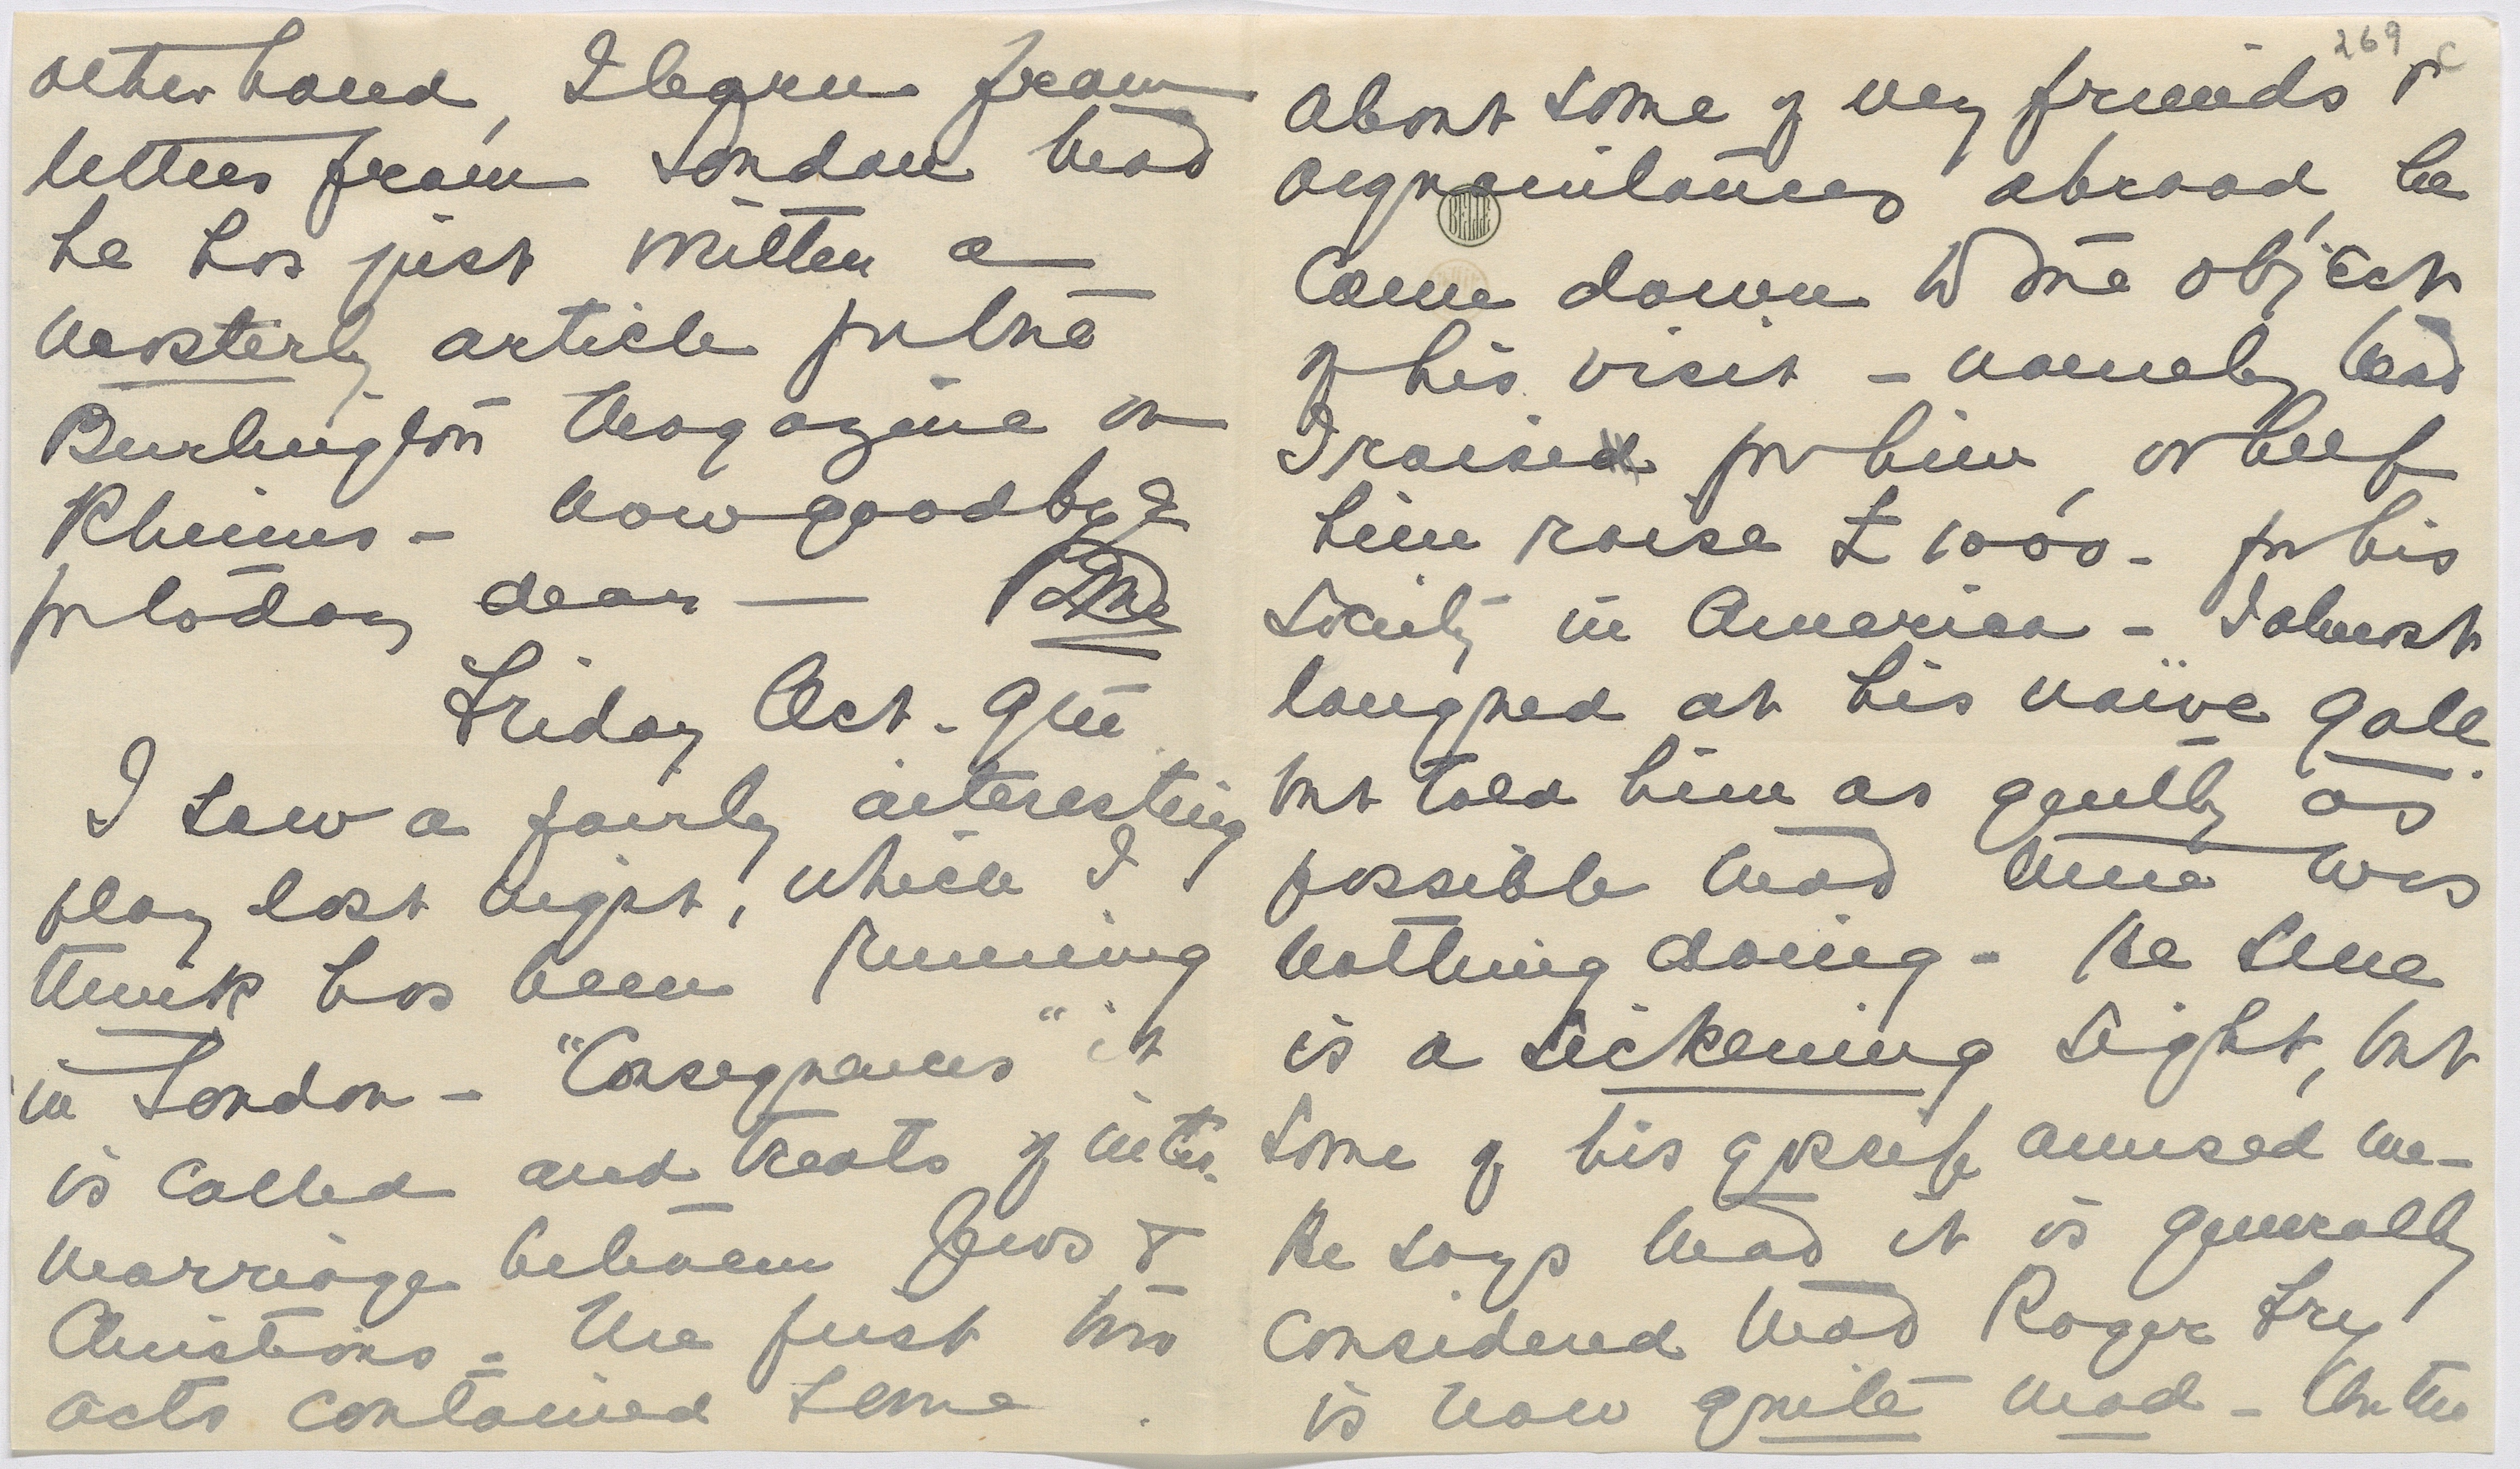about some of my friends & acquaintances abroad, he came down to the object of his visit – namely that I raised for him, or help him raise £1000 – for his society in America – I almost laughed at his naïve gall but told him as gently as possible that there was nothing doing – He sure is a sickening sight, but some of his gossip amused me –
He says that it is generally considered that Roger Fry is now quite mad – On the
other hand, I learn from letters from London that he has just written a masterly article for the Burlington Magazine on Rheims – now goodbye for today dear – Belle
Friday Oct. 9th
I saw a fairly interesting play last night, which I think has been running in London – “Consequences” it is called and treats of intermarriage between Jews & Christians – The first two acts contained some